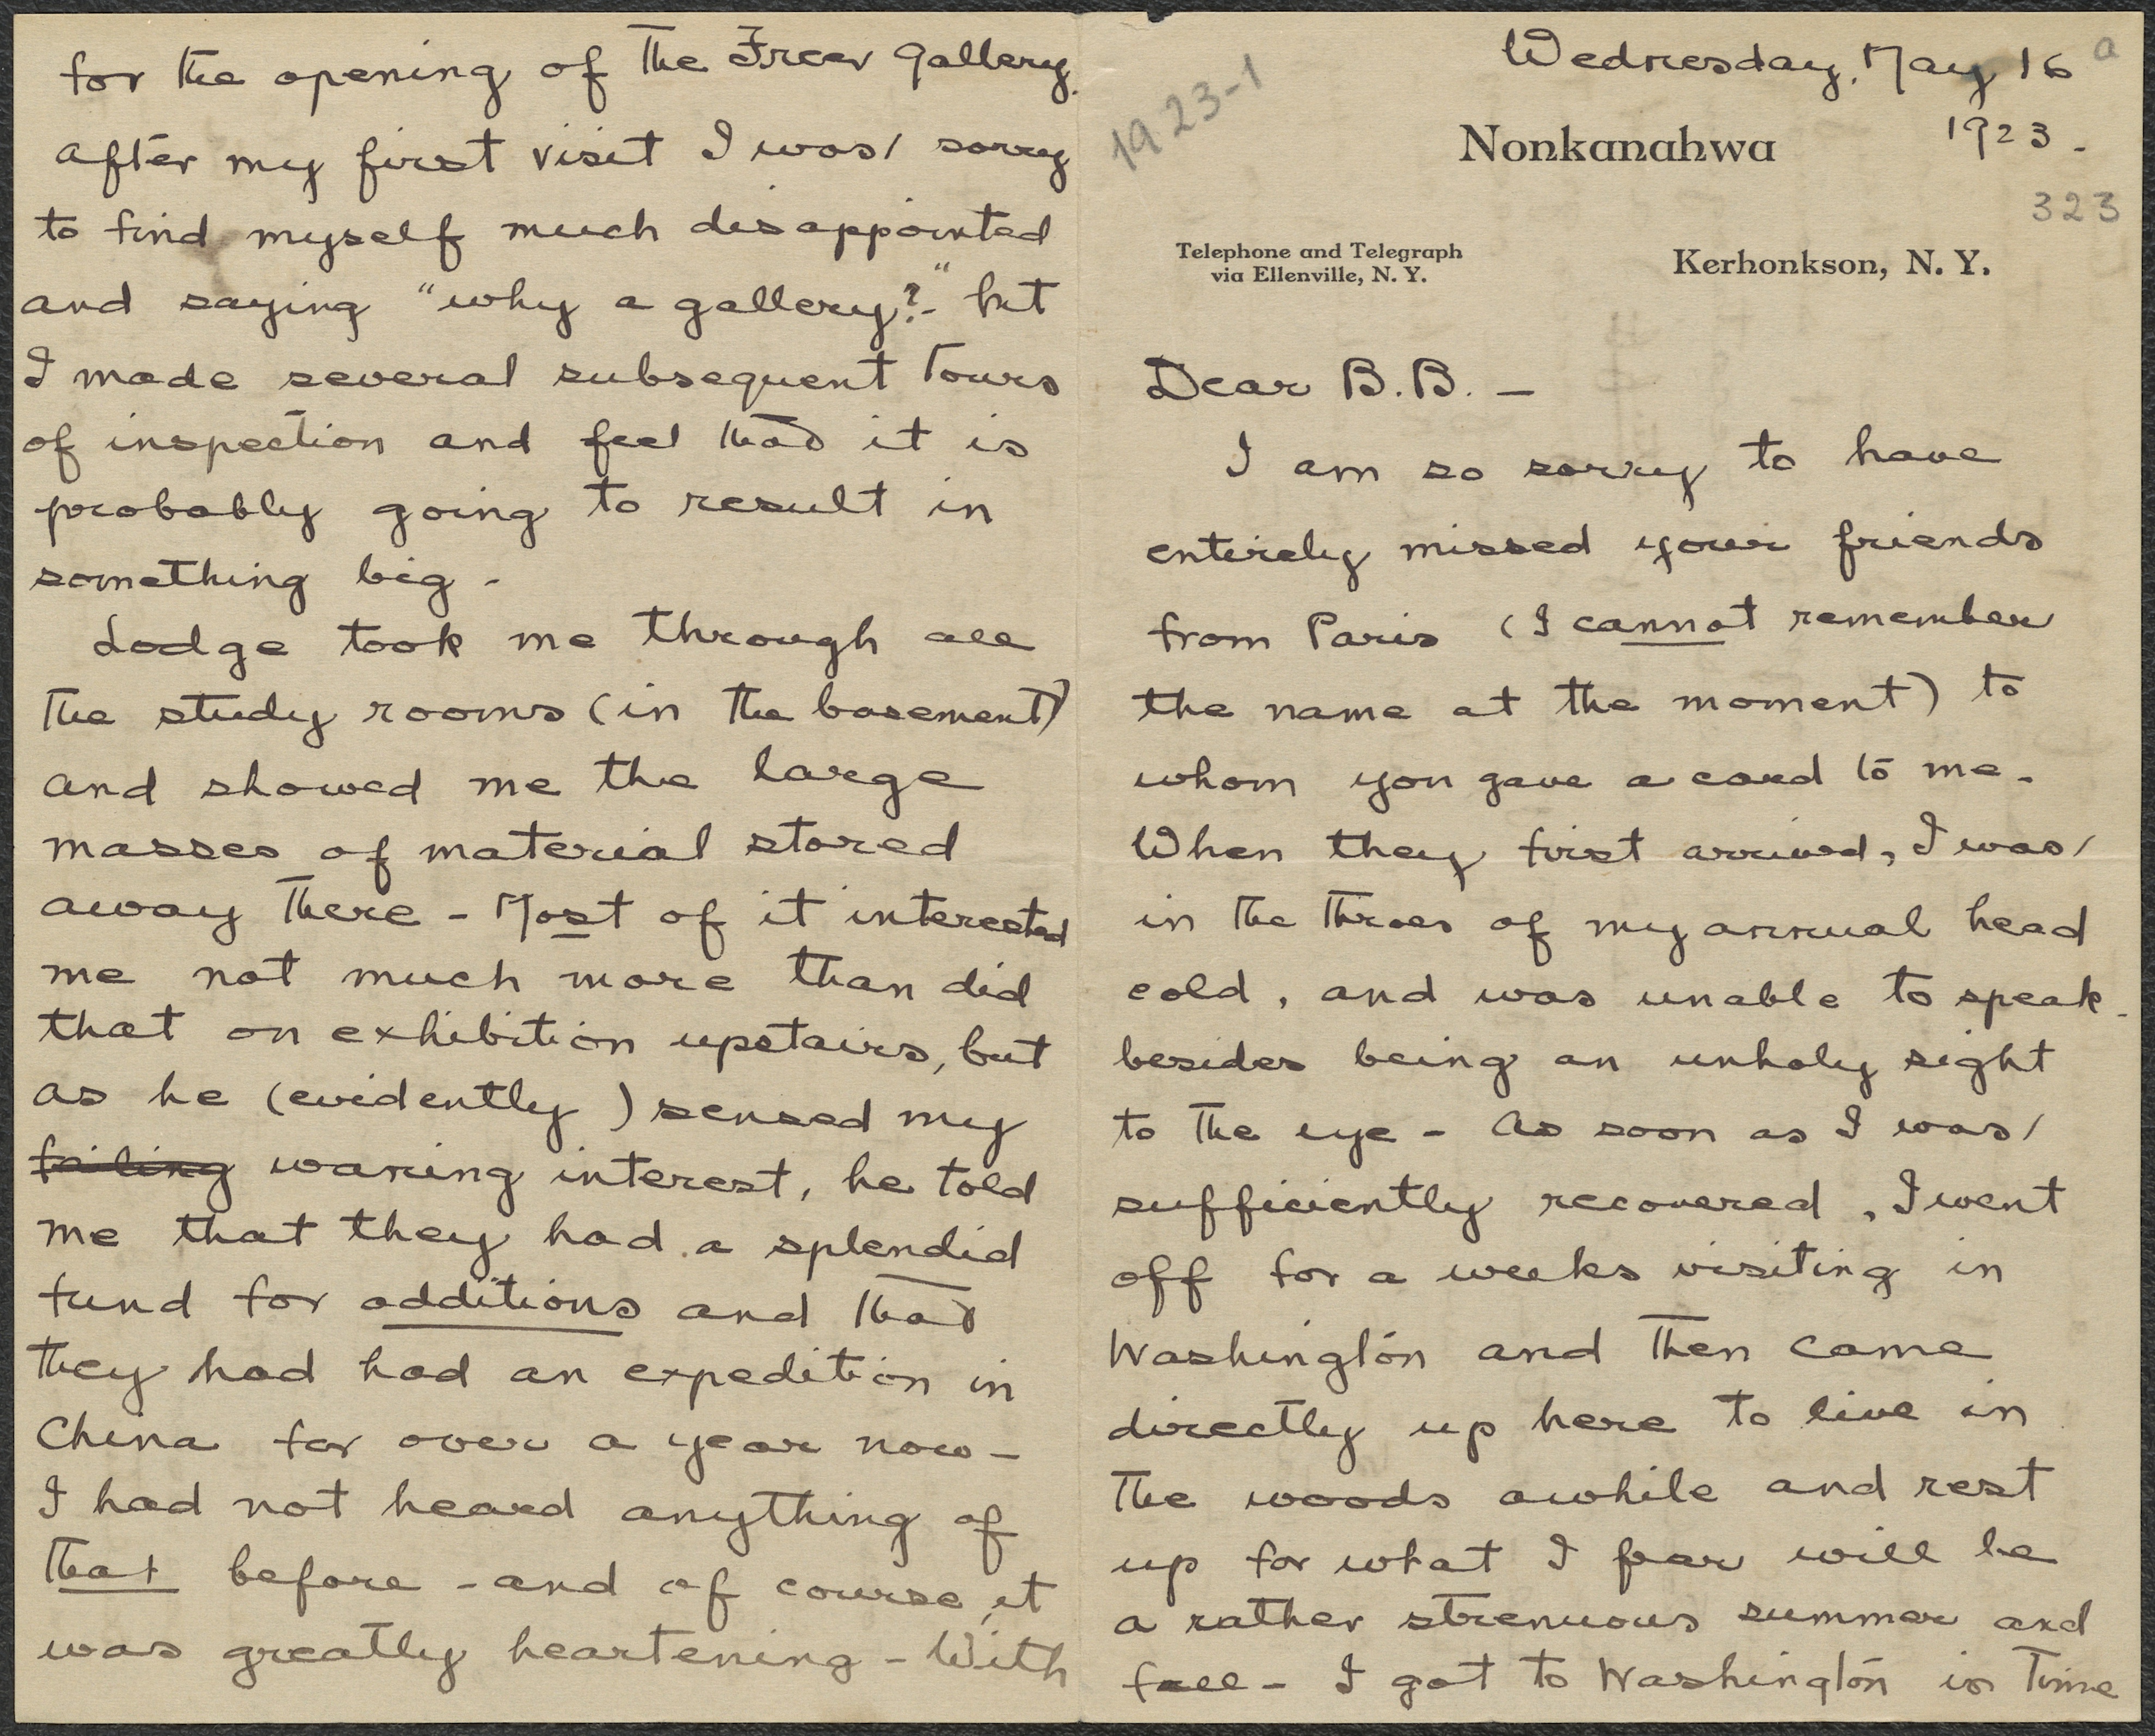Wednesday, May 16 1923 –
Dear B.B. –
I am so sorry to have entirely missed your friends from Paris (I cannot remember the name at the moment) to whom you gave a card to me. When they first arrived, I was in the throes of my annual head cold, and was unable to speak, besides being an unholy sight to the eye – As soon as I was sufficiently recovered, I went off for a weeks visiting in Washington and then came directly up here to live in the woods awhile and rest up for what I fear will be a rather strenuous summer and fall – I got to Washington in time
for the opening of the Freer Gallery after my first visit I was sorry to find myself much disappointed and saying “why a gallery? –” but I made several subsequent tours of inspection and feel that it is probably going to result in something big.
Lodge took me through all the study rooms (in the basement) and showed me the large masses of material stored away there – Most of it interested me not much more than did that on exhibition upstairs, but as he (evidently) sensed my failing waning interest, he told me that they had a splendid fund for additions and that they had had an expedition in China for over a year now – I had not heard anything of that before – and of course, it was greatly heartening – With